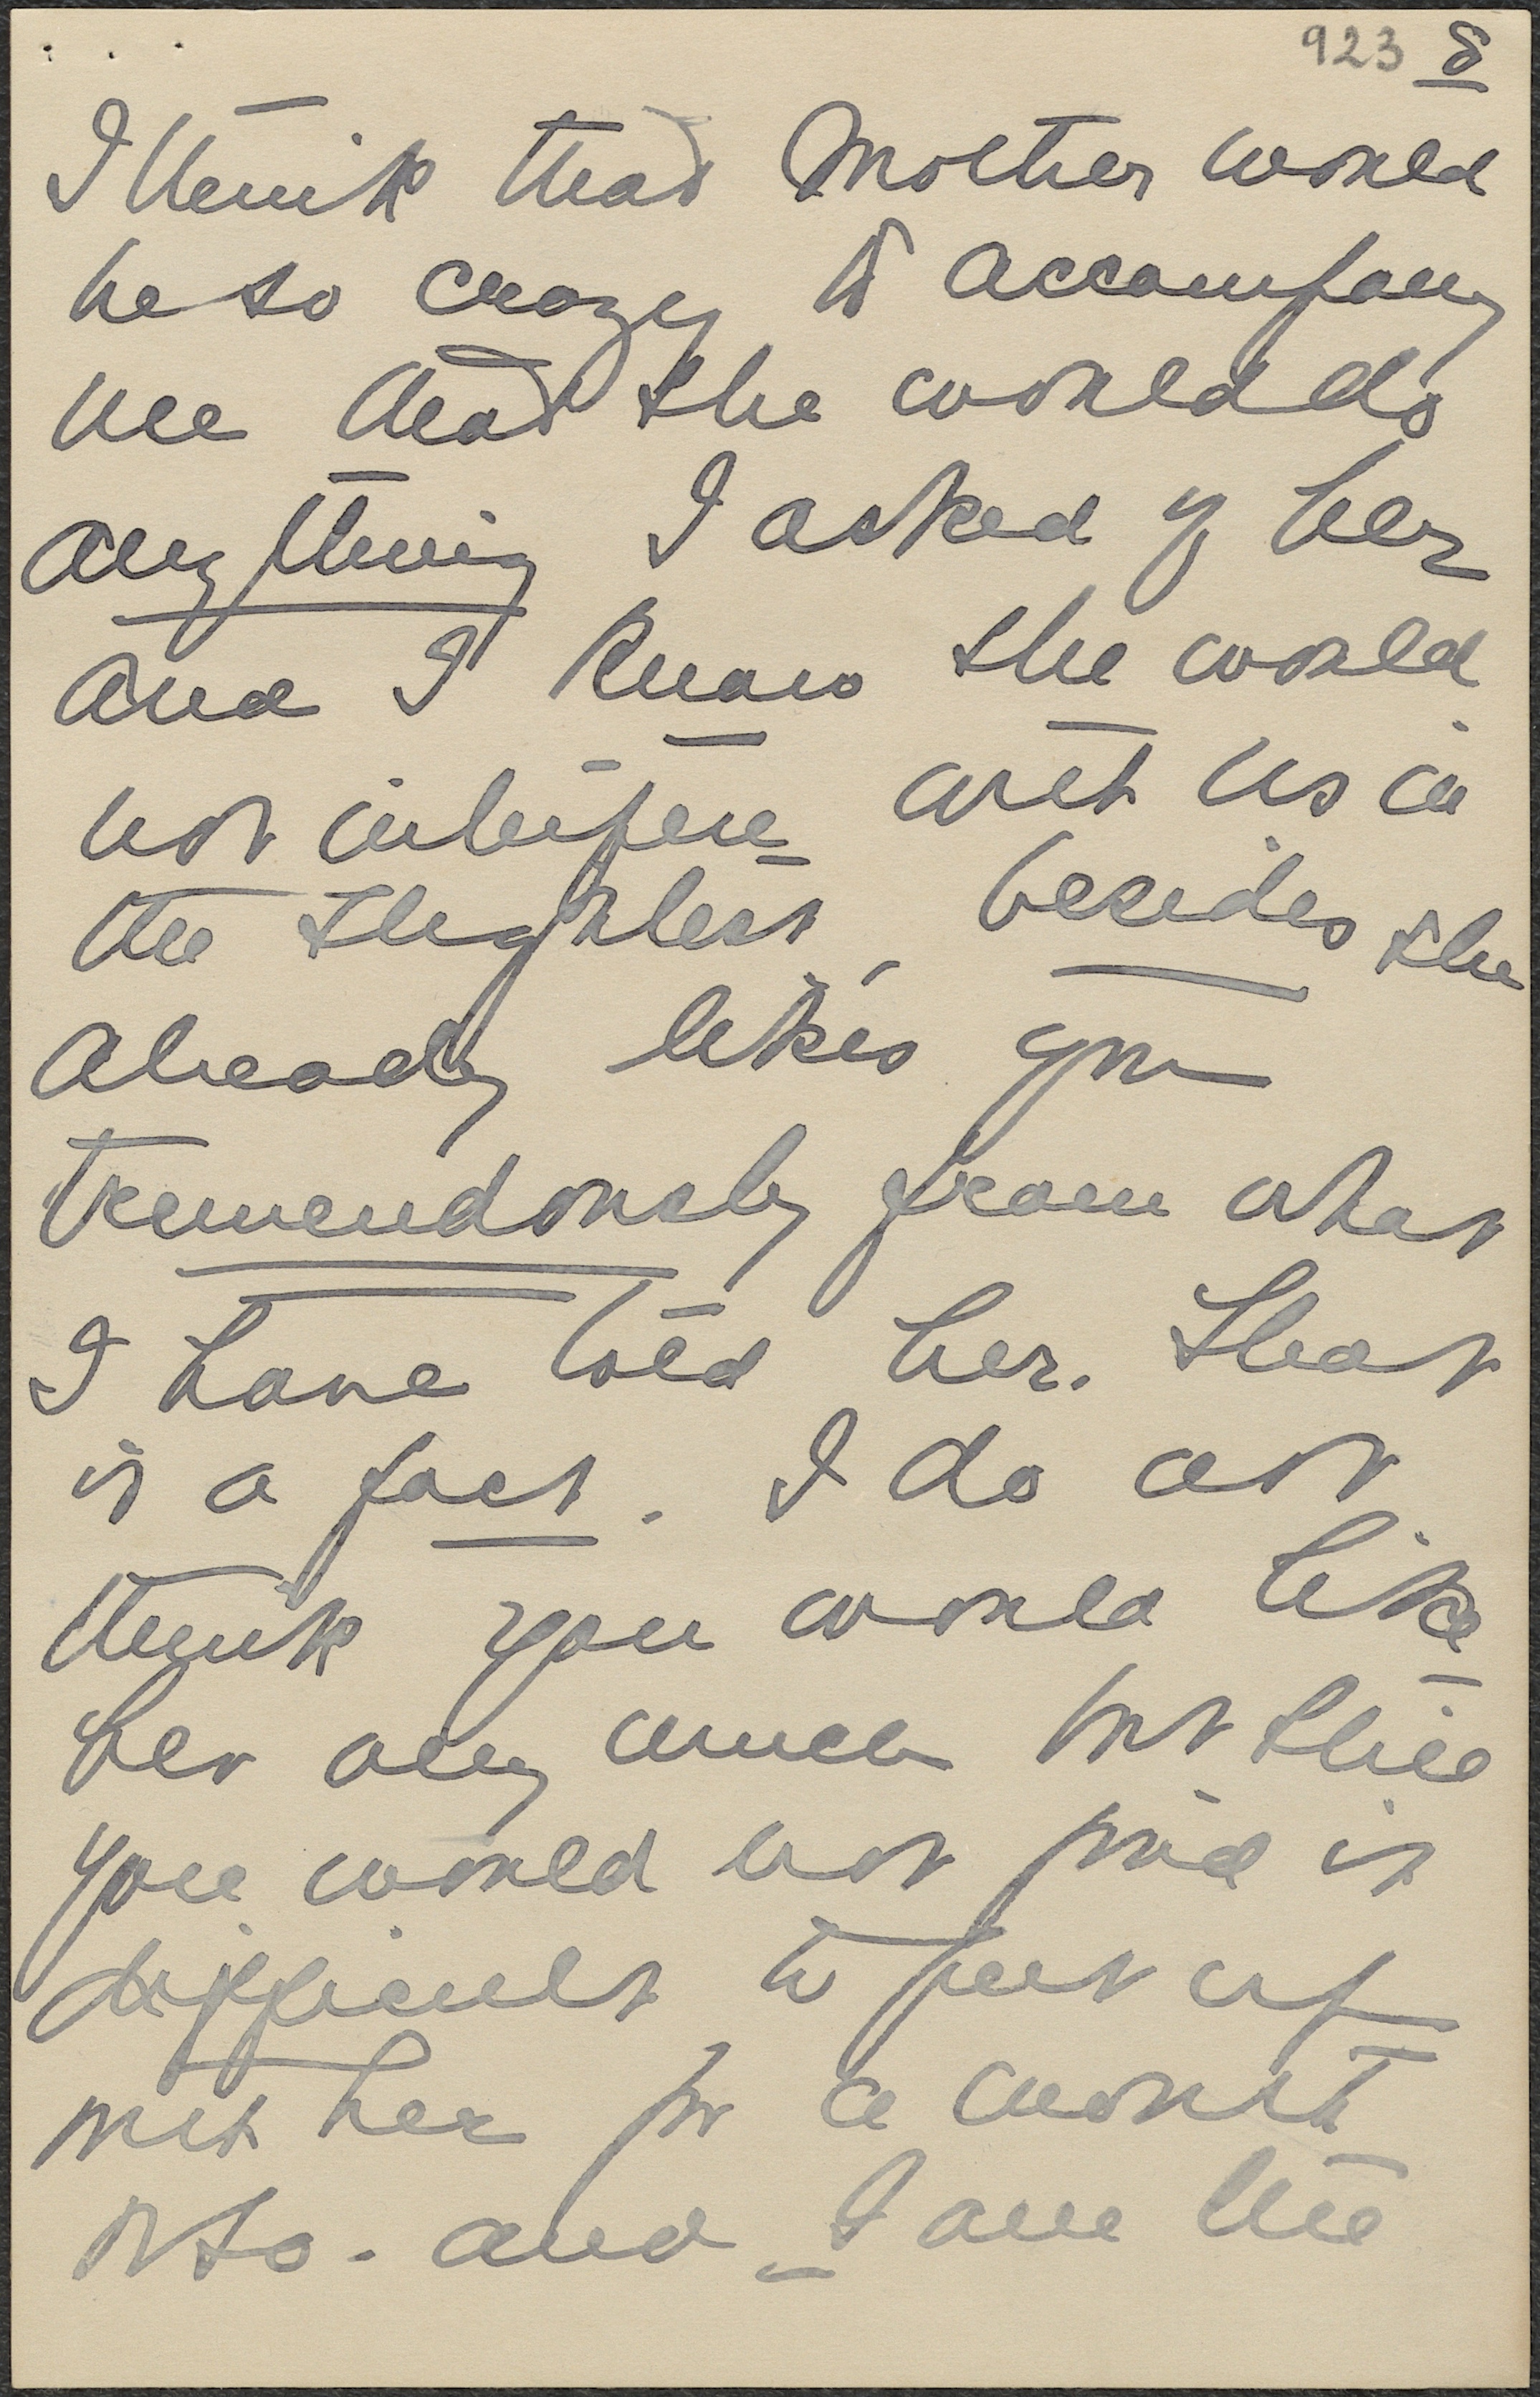8
I think that Mother would be so crazy to accompany me that she would do anything I asked of her and I know she would not interfere with us in the slightest, besides she already likes you [double underlined: tremendously] from what I have told her. That is a fact. I do not think you would like her very much but still you would not find it difficult to put up with her for a month or so – and I am the